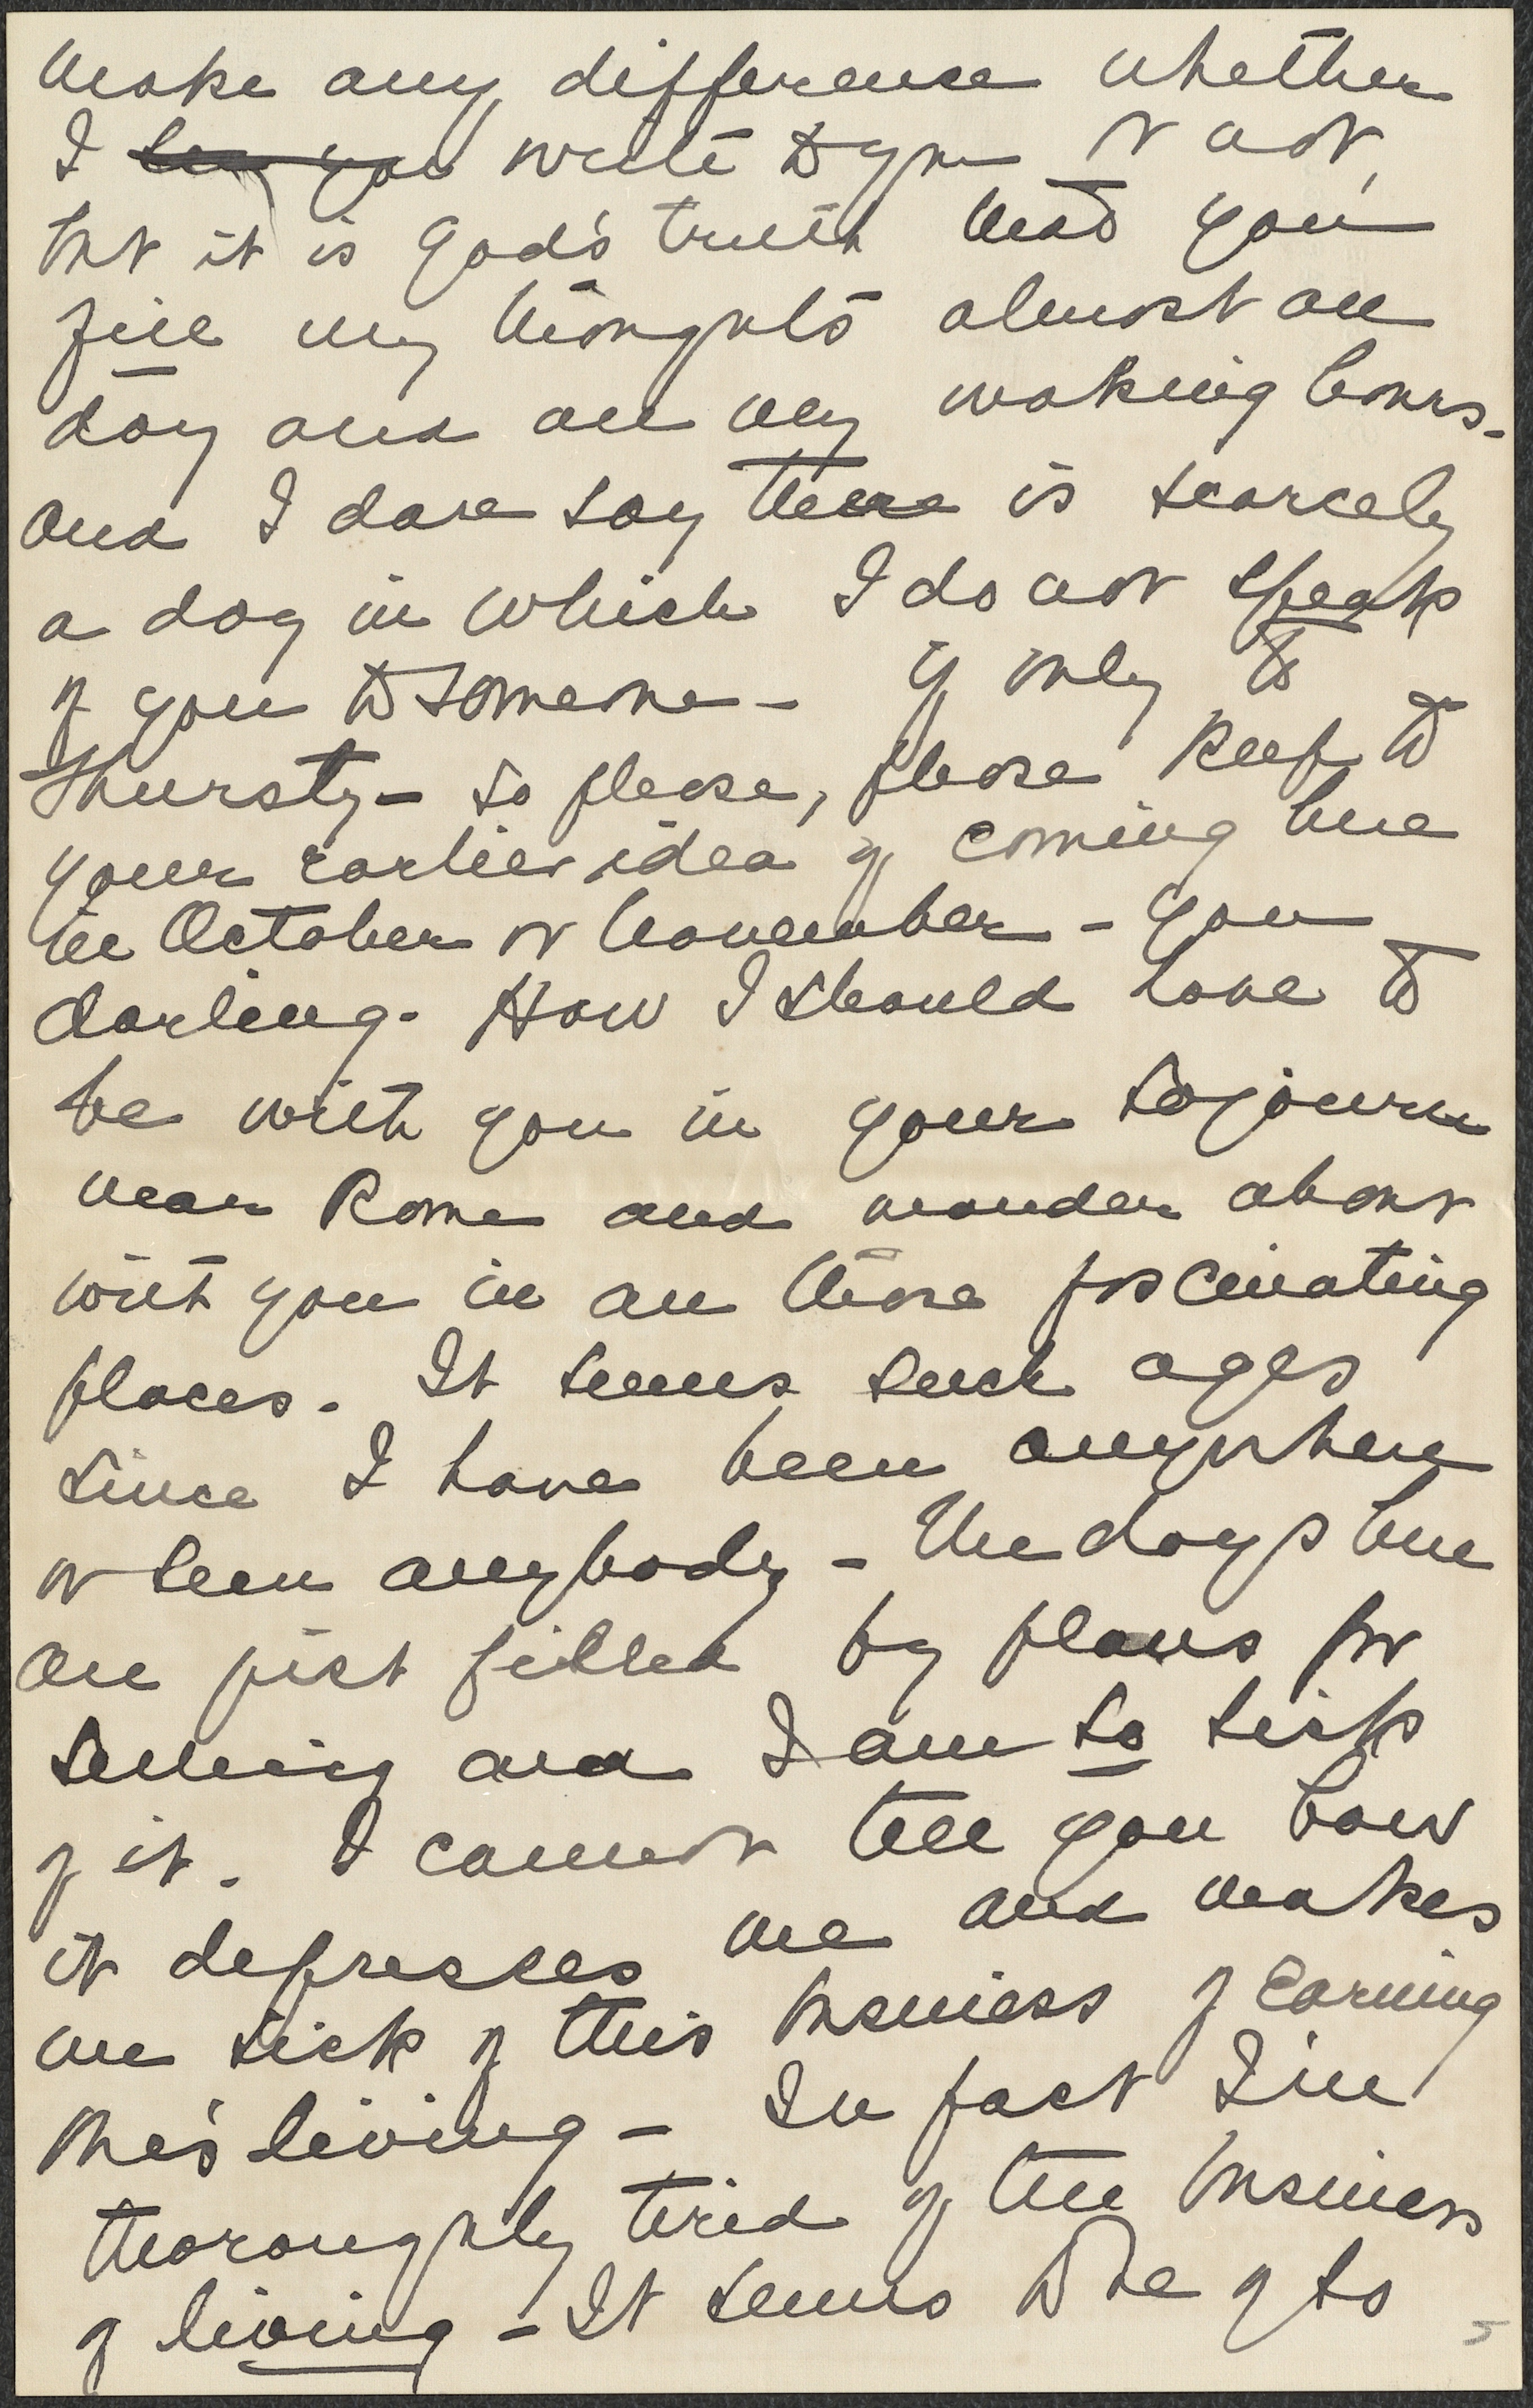make any difference whether I see you write to you or not, but it is God’s truth that you fill my thoughts almost all day and all my waking hours – and I dare say there is scarcely a day in which I do not speak of you to someone – if only to Thursty – so please, please keep to your earlier idea of coming here in October or November – you darling – How I should love to be with you in your sojourn near Rome and wander about with you in all those fascinating places – It seems such ages since I have been anywhere or seen anybody – The days here are just filled by plans for selling and I am so sick of it. I cannot tell you how it depresses me and makes me sick of this business of earning one’s living – In fact I’m thoroughly tired of the business of living – It seems to be of so